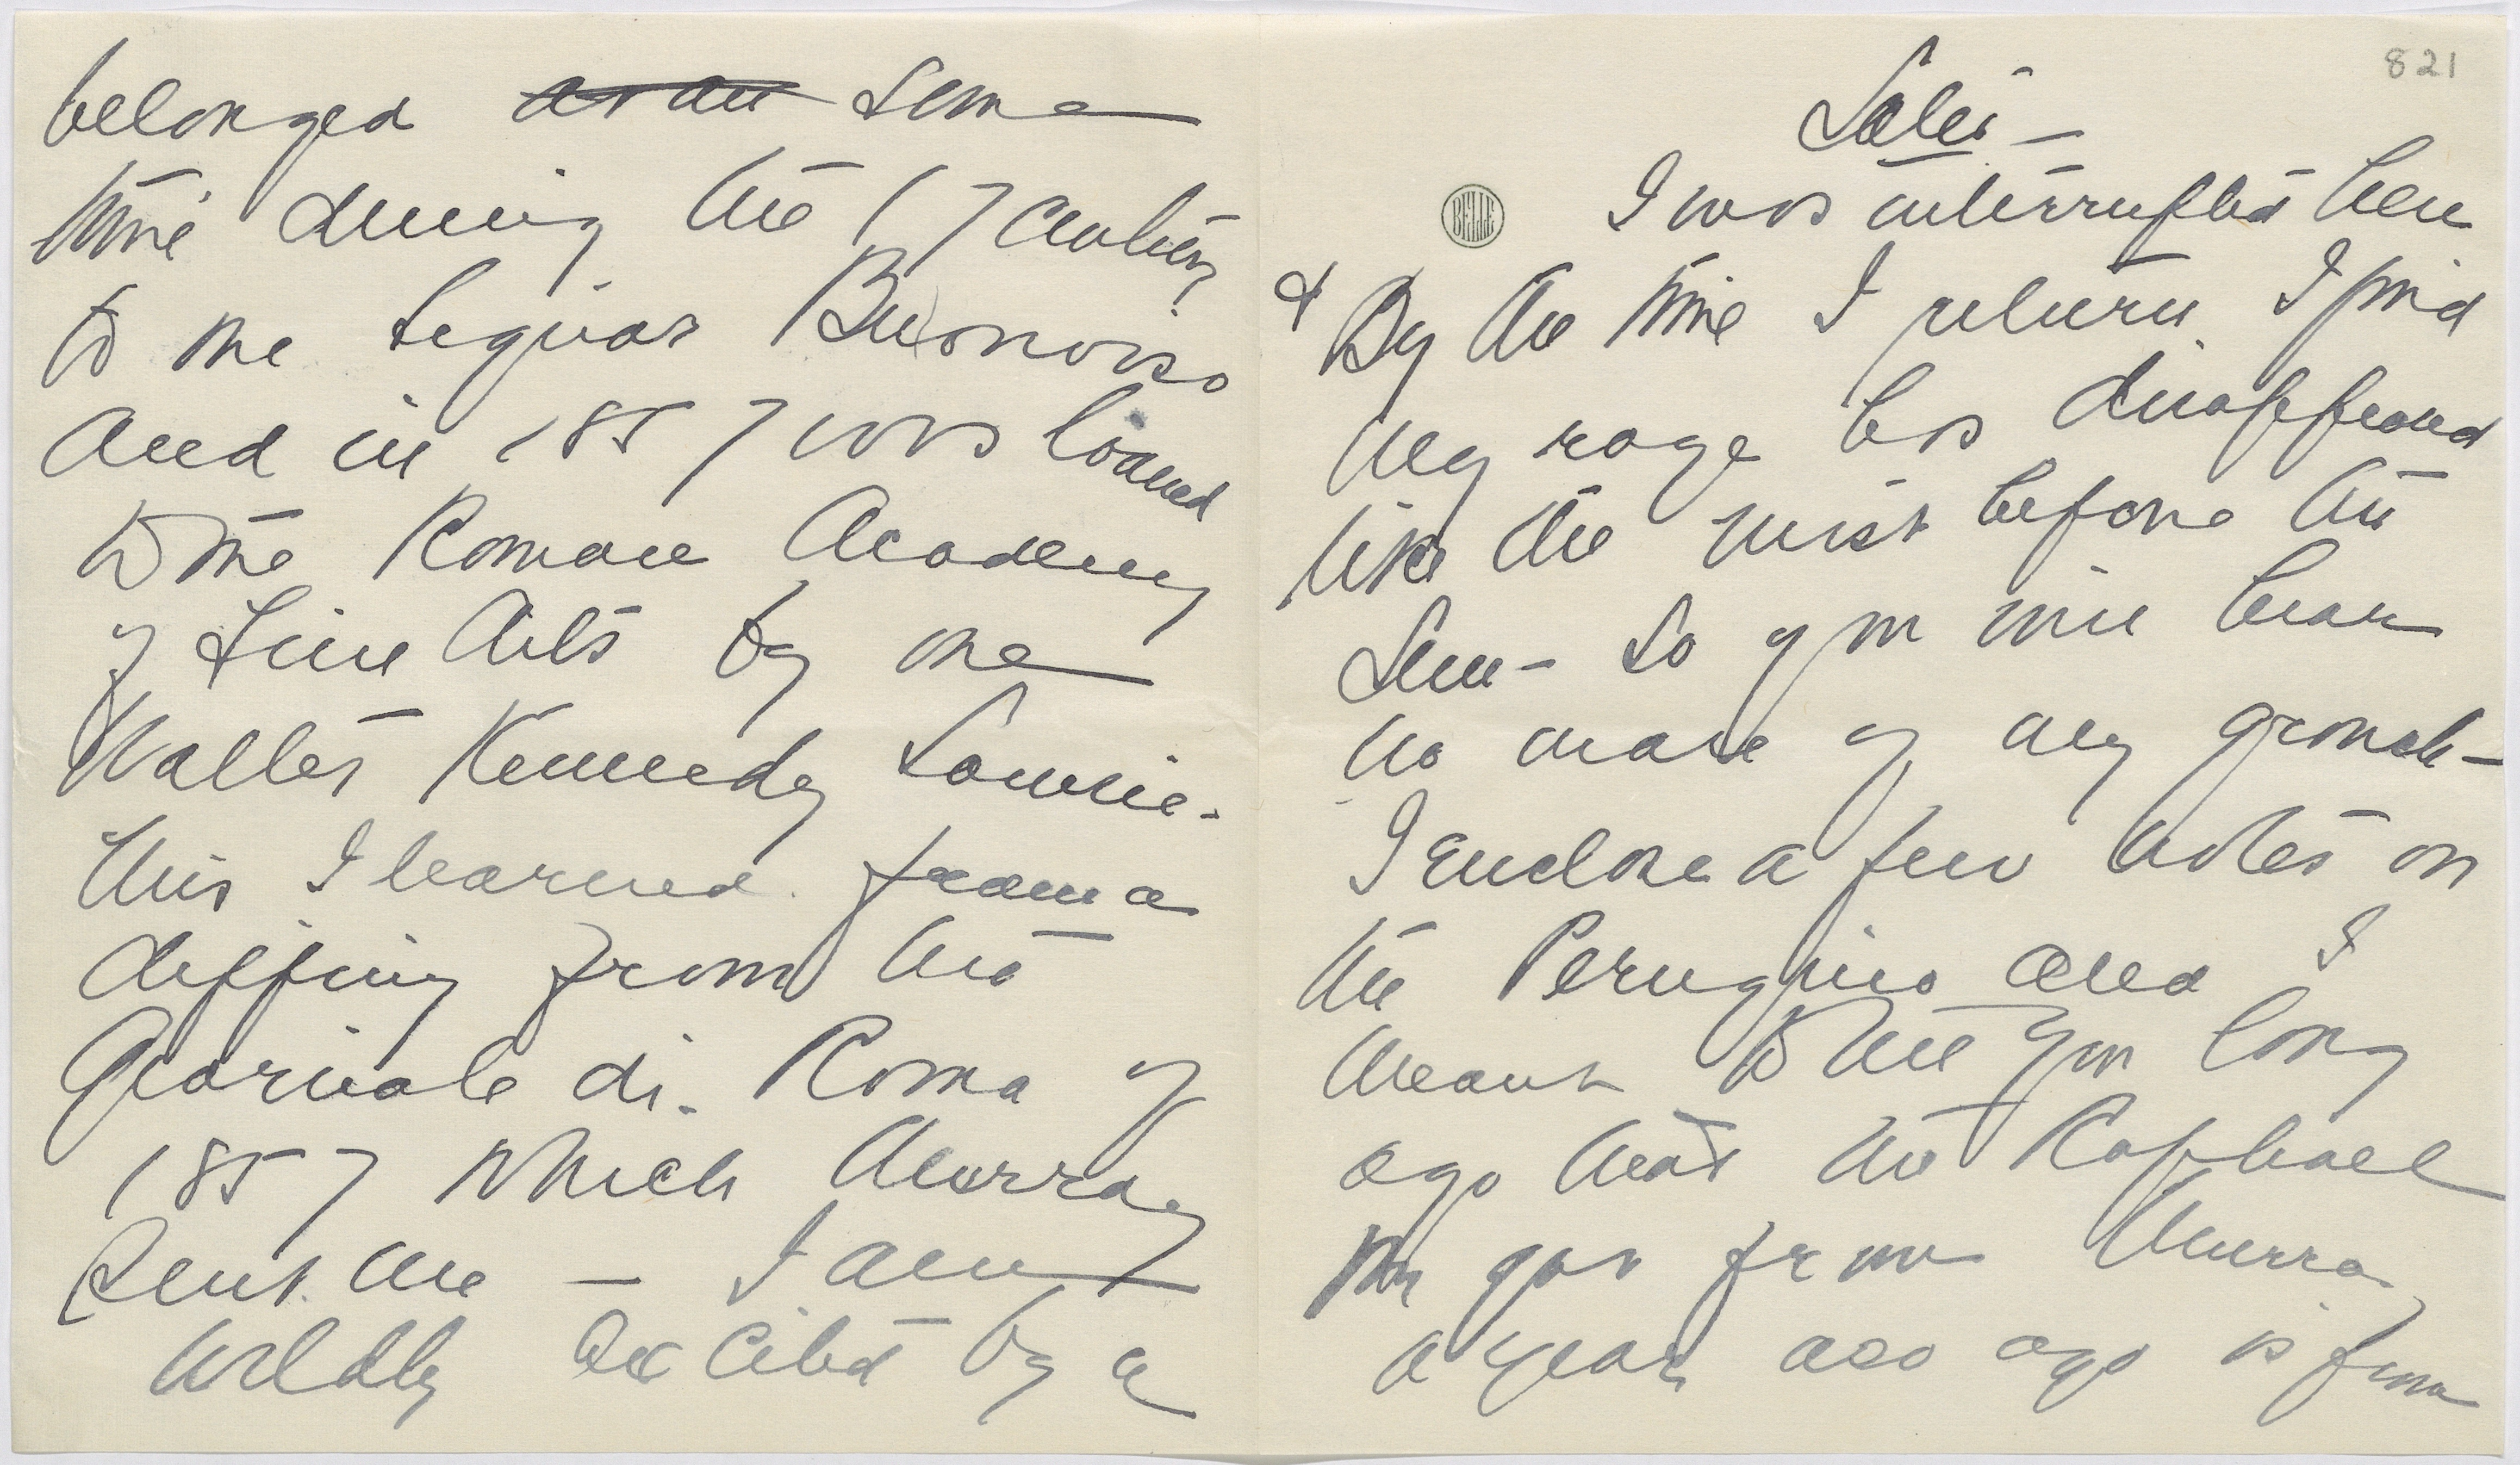Later –
I was interrupted here & By the time I return I find my rage has disappeared like the mist before the sun – so you will hear no more of my grouch –
I enclose a few notes on the Perugino and I meant to tell you long ago that the Raphael we got from Murray a year or so ago is fine
belonged at an some time during the 17 century to one Signior Buonviso [sic] and in 1857 was loaned to the Roman Academy of Fine Arts by one Walter Kennedy Lawrie – This I learned from a clipping from the Giornale di Roma of 1857 which murray sent me – I am wildly excited by a